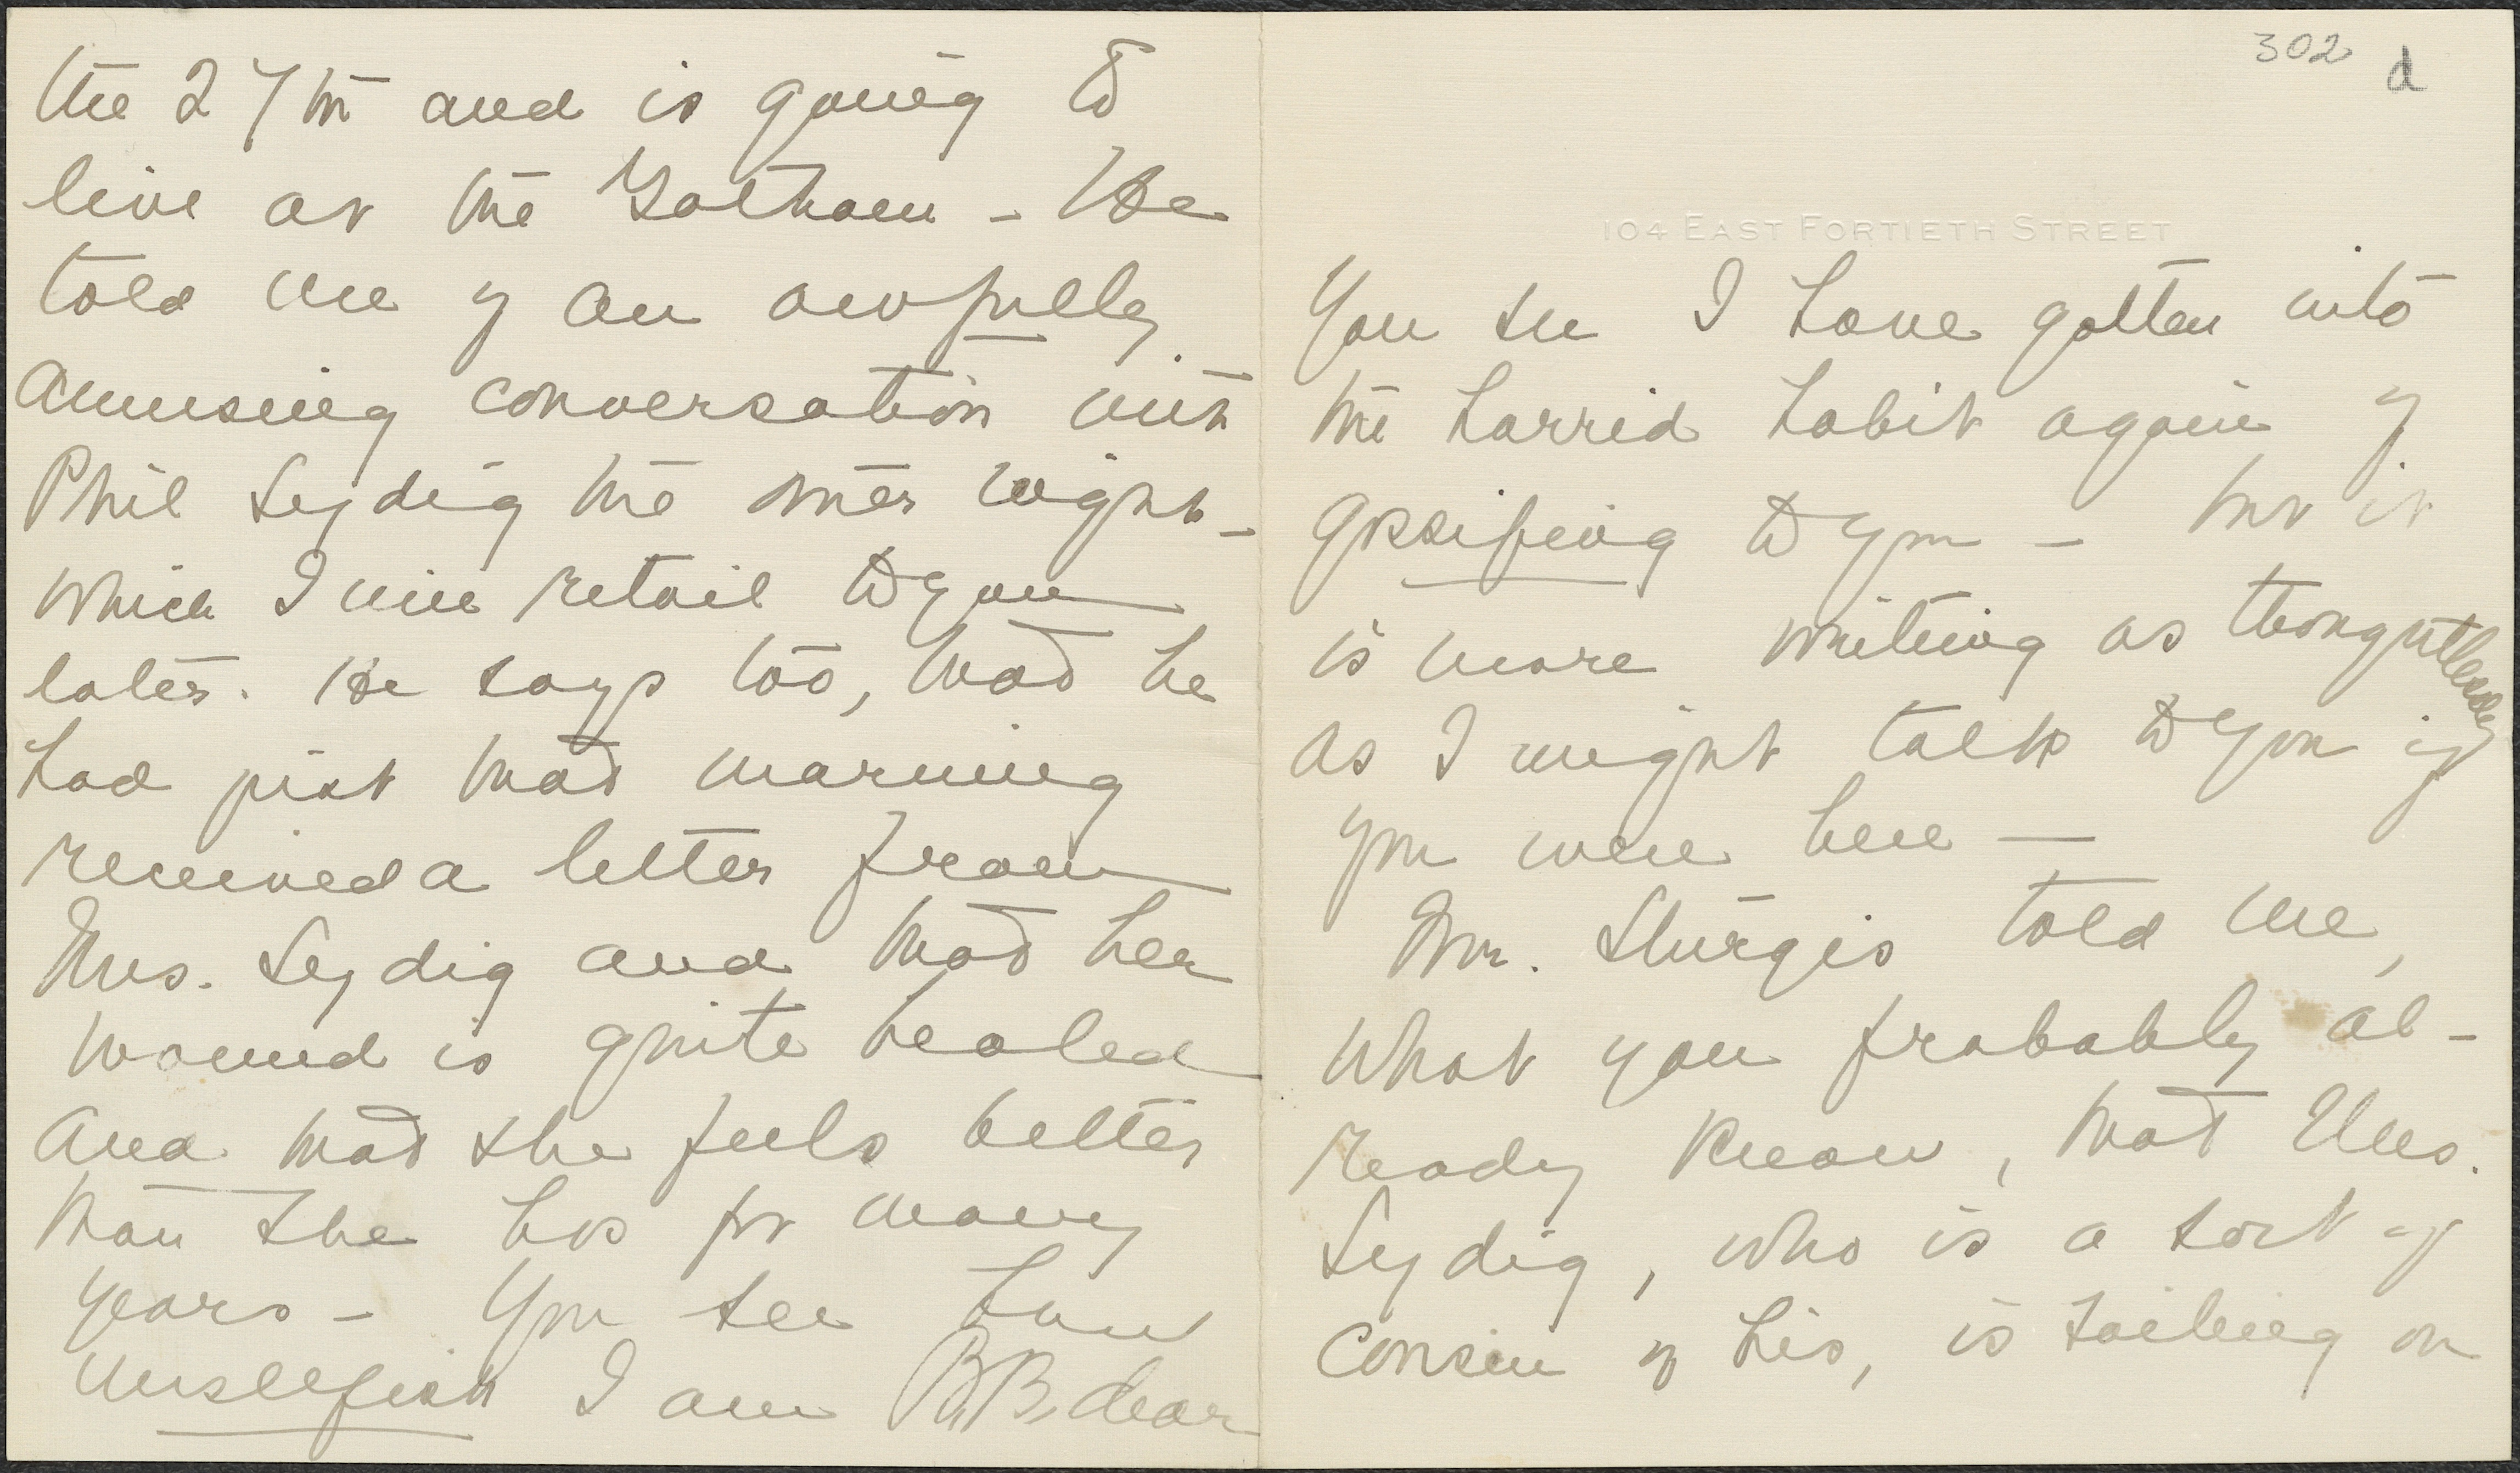You see I have gotten into the horrid habit again of gossiping to you – but it is more writing as thoughtlessly as I might talk to you if you were here –
Mr. Sturgis told me what you probably already know, that Mrs. Lydig, who is a sort of cousin of his, is sailing on
the 27th and is going to live at the Gotham – He told me of an awfully amusing conversation with Phil Lydig the other night – which I will retail to you later. He says too, that he had just that morning received a letter from Mrs. Lydig and that her wound is quite healed and that she feels better than she has for many years – You see how unselfish I am B. B. dear